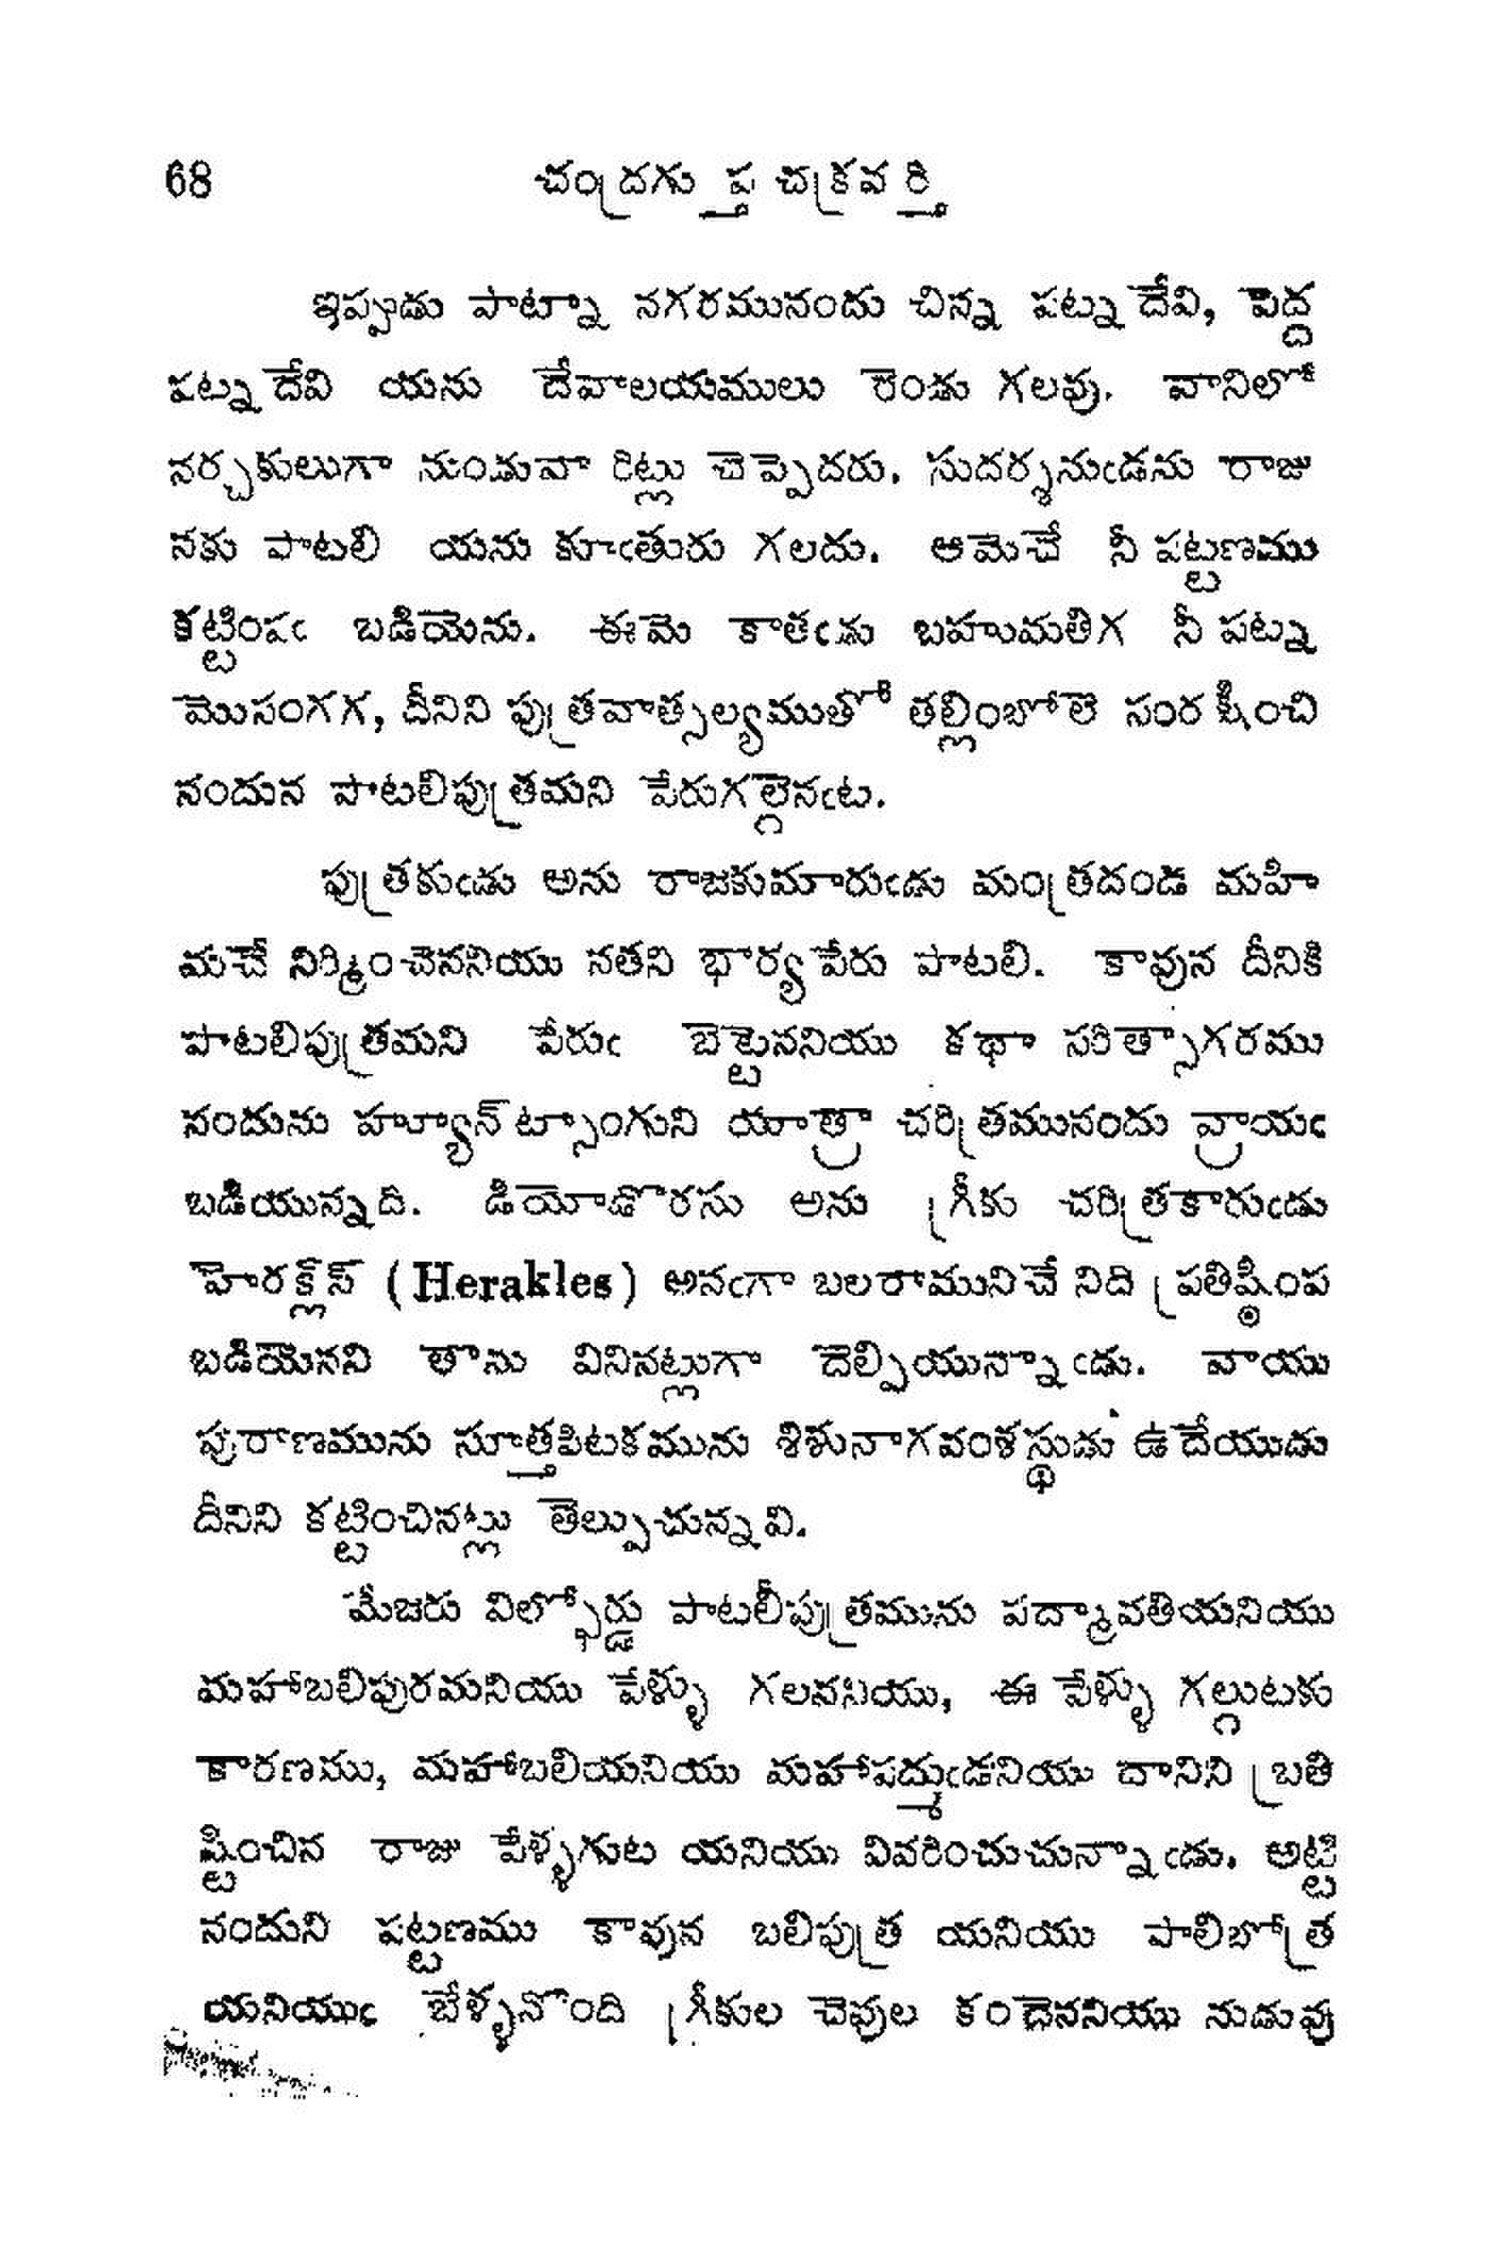ఇప్పుడు పాట్నా నగరమునందు చిన్న పట్న దేవి, పెద్ద పట్న దేవి యను దేవాలయములు రెండు గలవు. వానిలో నర్చకులుగా నుండువా రిట్లు చెప్పెదరు. సుదర్శనుఁడను రాజునకు పాటలి యను కూఁతురు గలదు. ఆమెచే నీ పట్టణము కట్టింపఁ బడియెను. ఈమె కాతఁడు బహుమతిగ నీ పట్న మొసంగగ, దీనిని పుత్రవాత్సల్యముతో తల్లింబోలె సంరక్షించి నందున పాటలిపుత్రమని పేరుగల్గెనఁట.

పుత్రకుఁడు అను రాజకుమారుఁడు మంత్రదండ మహిమచే నిర్మించెననియు నతని భార్యపేరు పాటలి. కావున దీనికి పాటలిపుత్రమని పేరుఁ బెట్టెననియు కథా సరిత్సాగరము నందును హ్యూన్ ట్సాంగుని యాత్రా చరిత్రమునందు వ్రాయఁబడియున్నది. డియోడొరసు అను గ్రీకు చరిత్రకారుఁడు హెరక్ల్‌స్ (Herakles) అనఁగా బలరామునిచే నిది ప్రతిష్ఠింప బడియెనని తాను వినినట్లుగా దెల్పియున్నాఁడు. వాయు పురాణమును సూత్తపిటకమును శిశునాగవంశస్థుడు ఉదేయుడు దీనిని కట్టించినట్లు తెల్పుచున్నవి.

మేజరు విల్ఫోర్డు పాటలీపుత్రమును పద్మావతియనియు మహాబలిపురమనియు పేళ్ళు గలవనియు, ఈ పేళ్ళు గల్గుటకు కారణము, మహాబలియనియు మహాపద్ముఁడనియు దానిని బ్రతిష్టించిన రాజు పేళ్ళగుట యనియు వివరించుచున్నాడు. అట్టి నందుని పట్టణము కావున బలిపుత్ర యనియు పాలిబోత్ర యనియుఁ బేళ్ళనొంది. గ్రీకుల చెవుల కందెననియు నుడువు